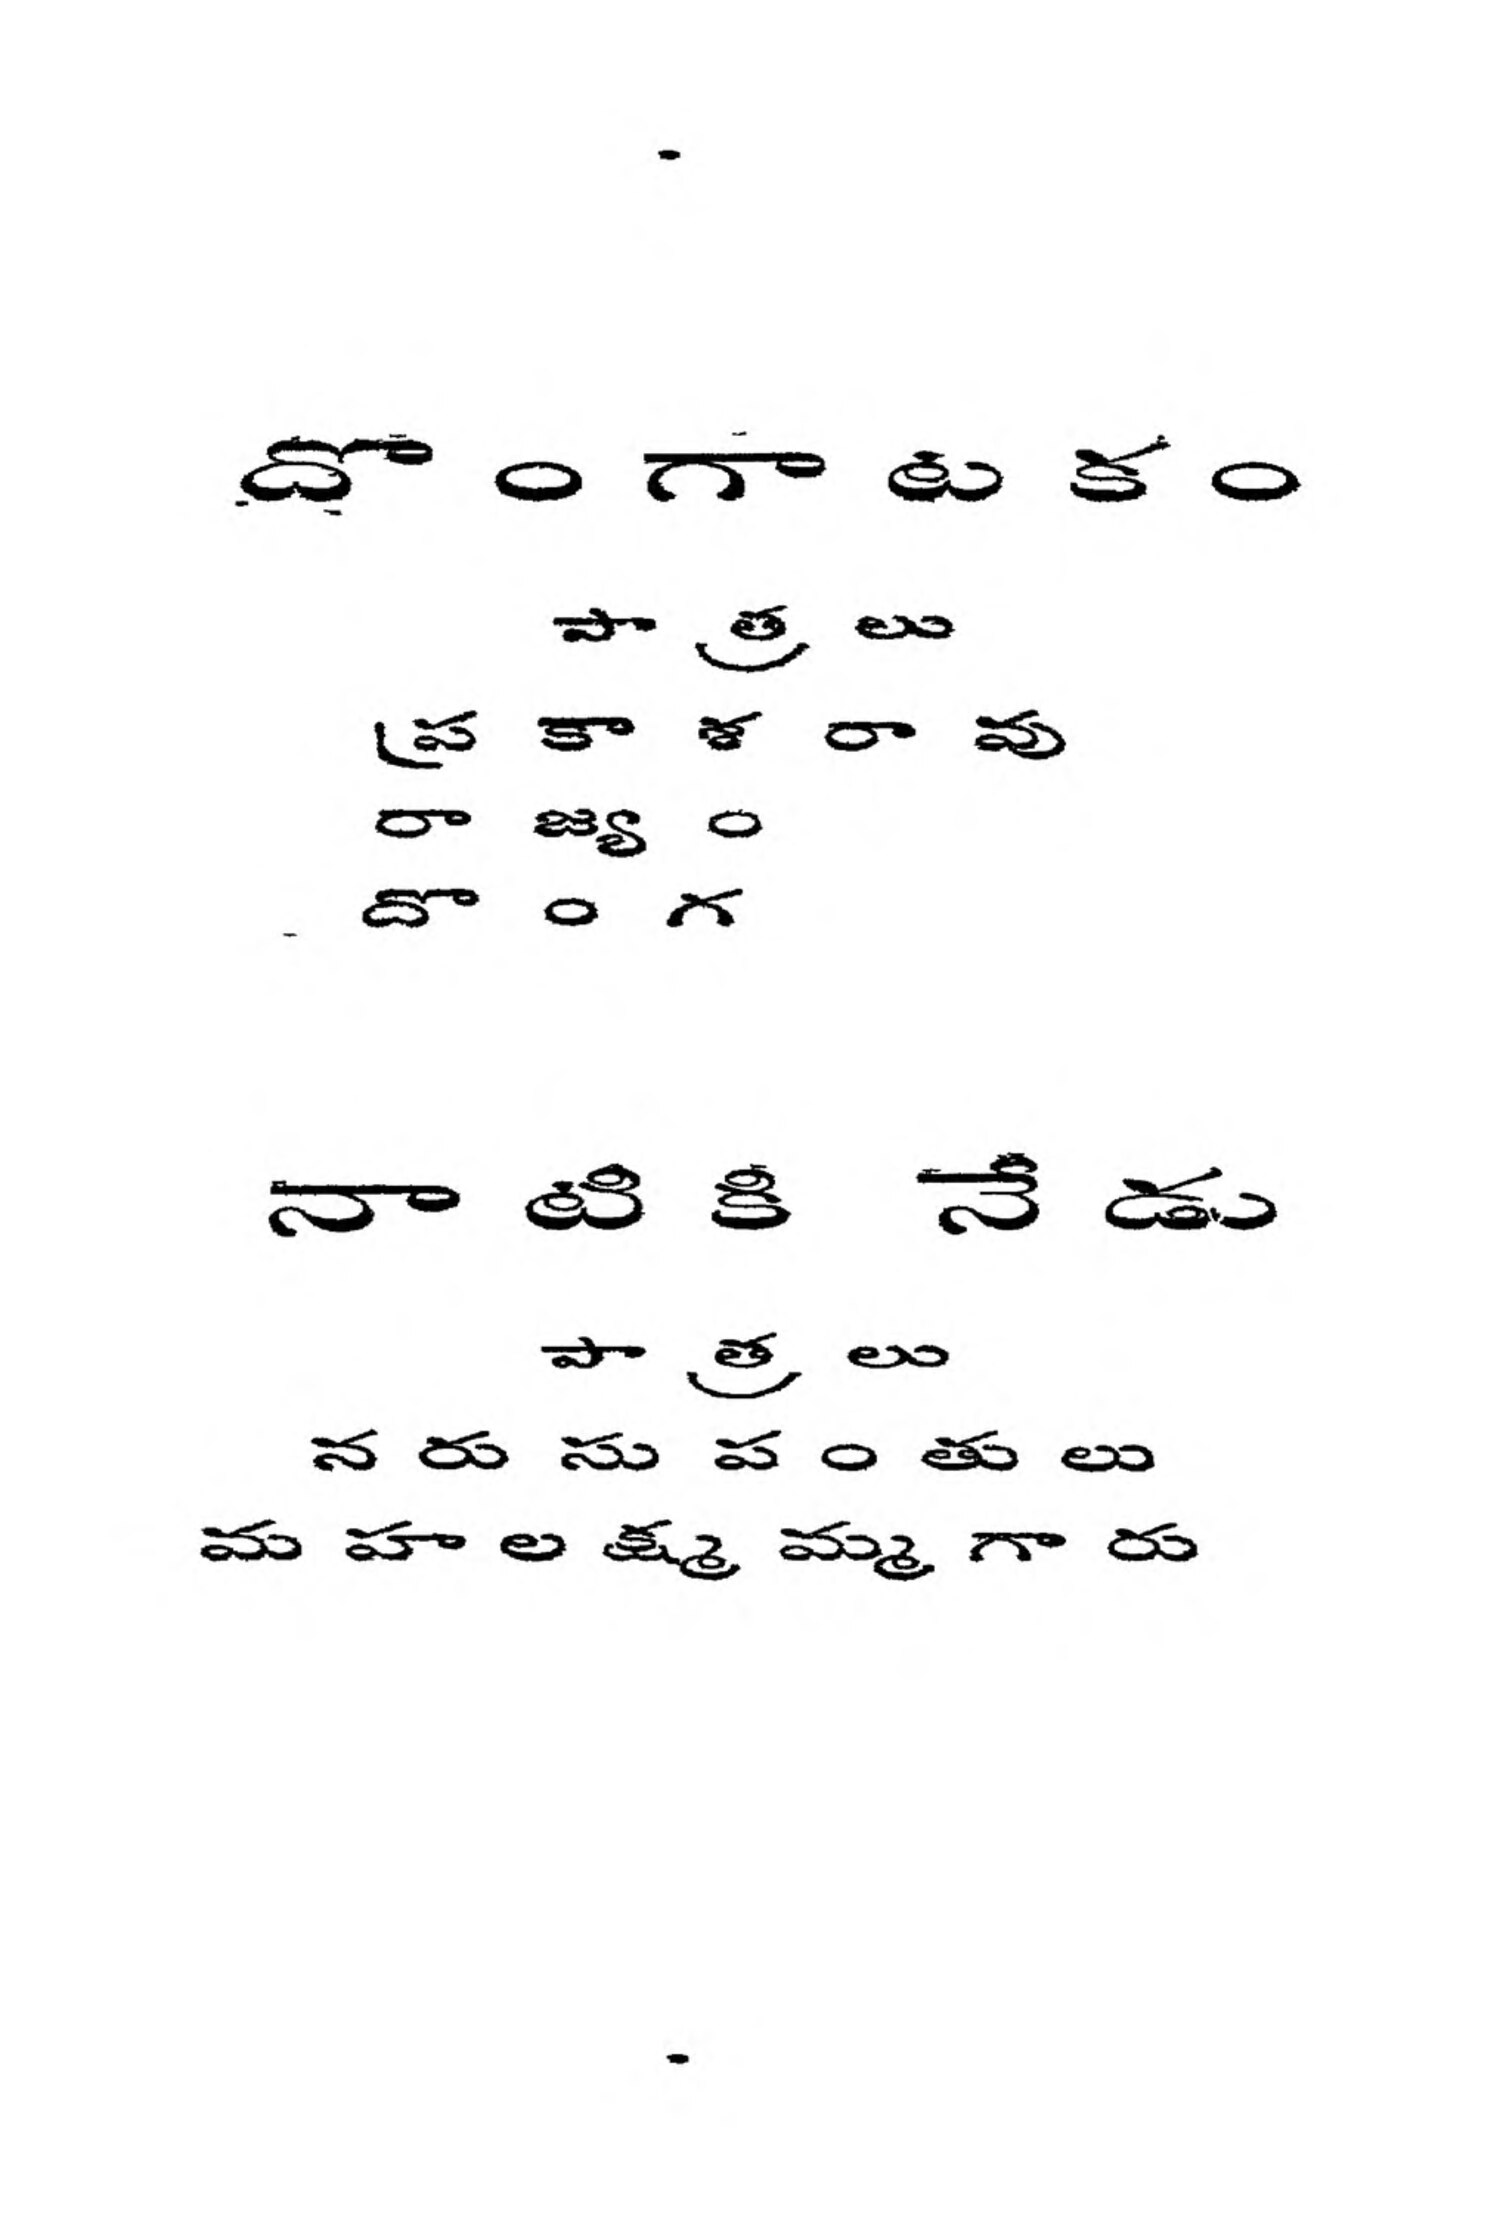దొంగాటకం

పాత్రలు

ప్రకాశరావు

రాజ్యం

దొంగ

నాటికి నేడు

పాత్రలు

నరుసు పంతులు

మహలక్ష్మమ్మగారు